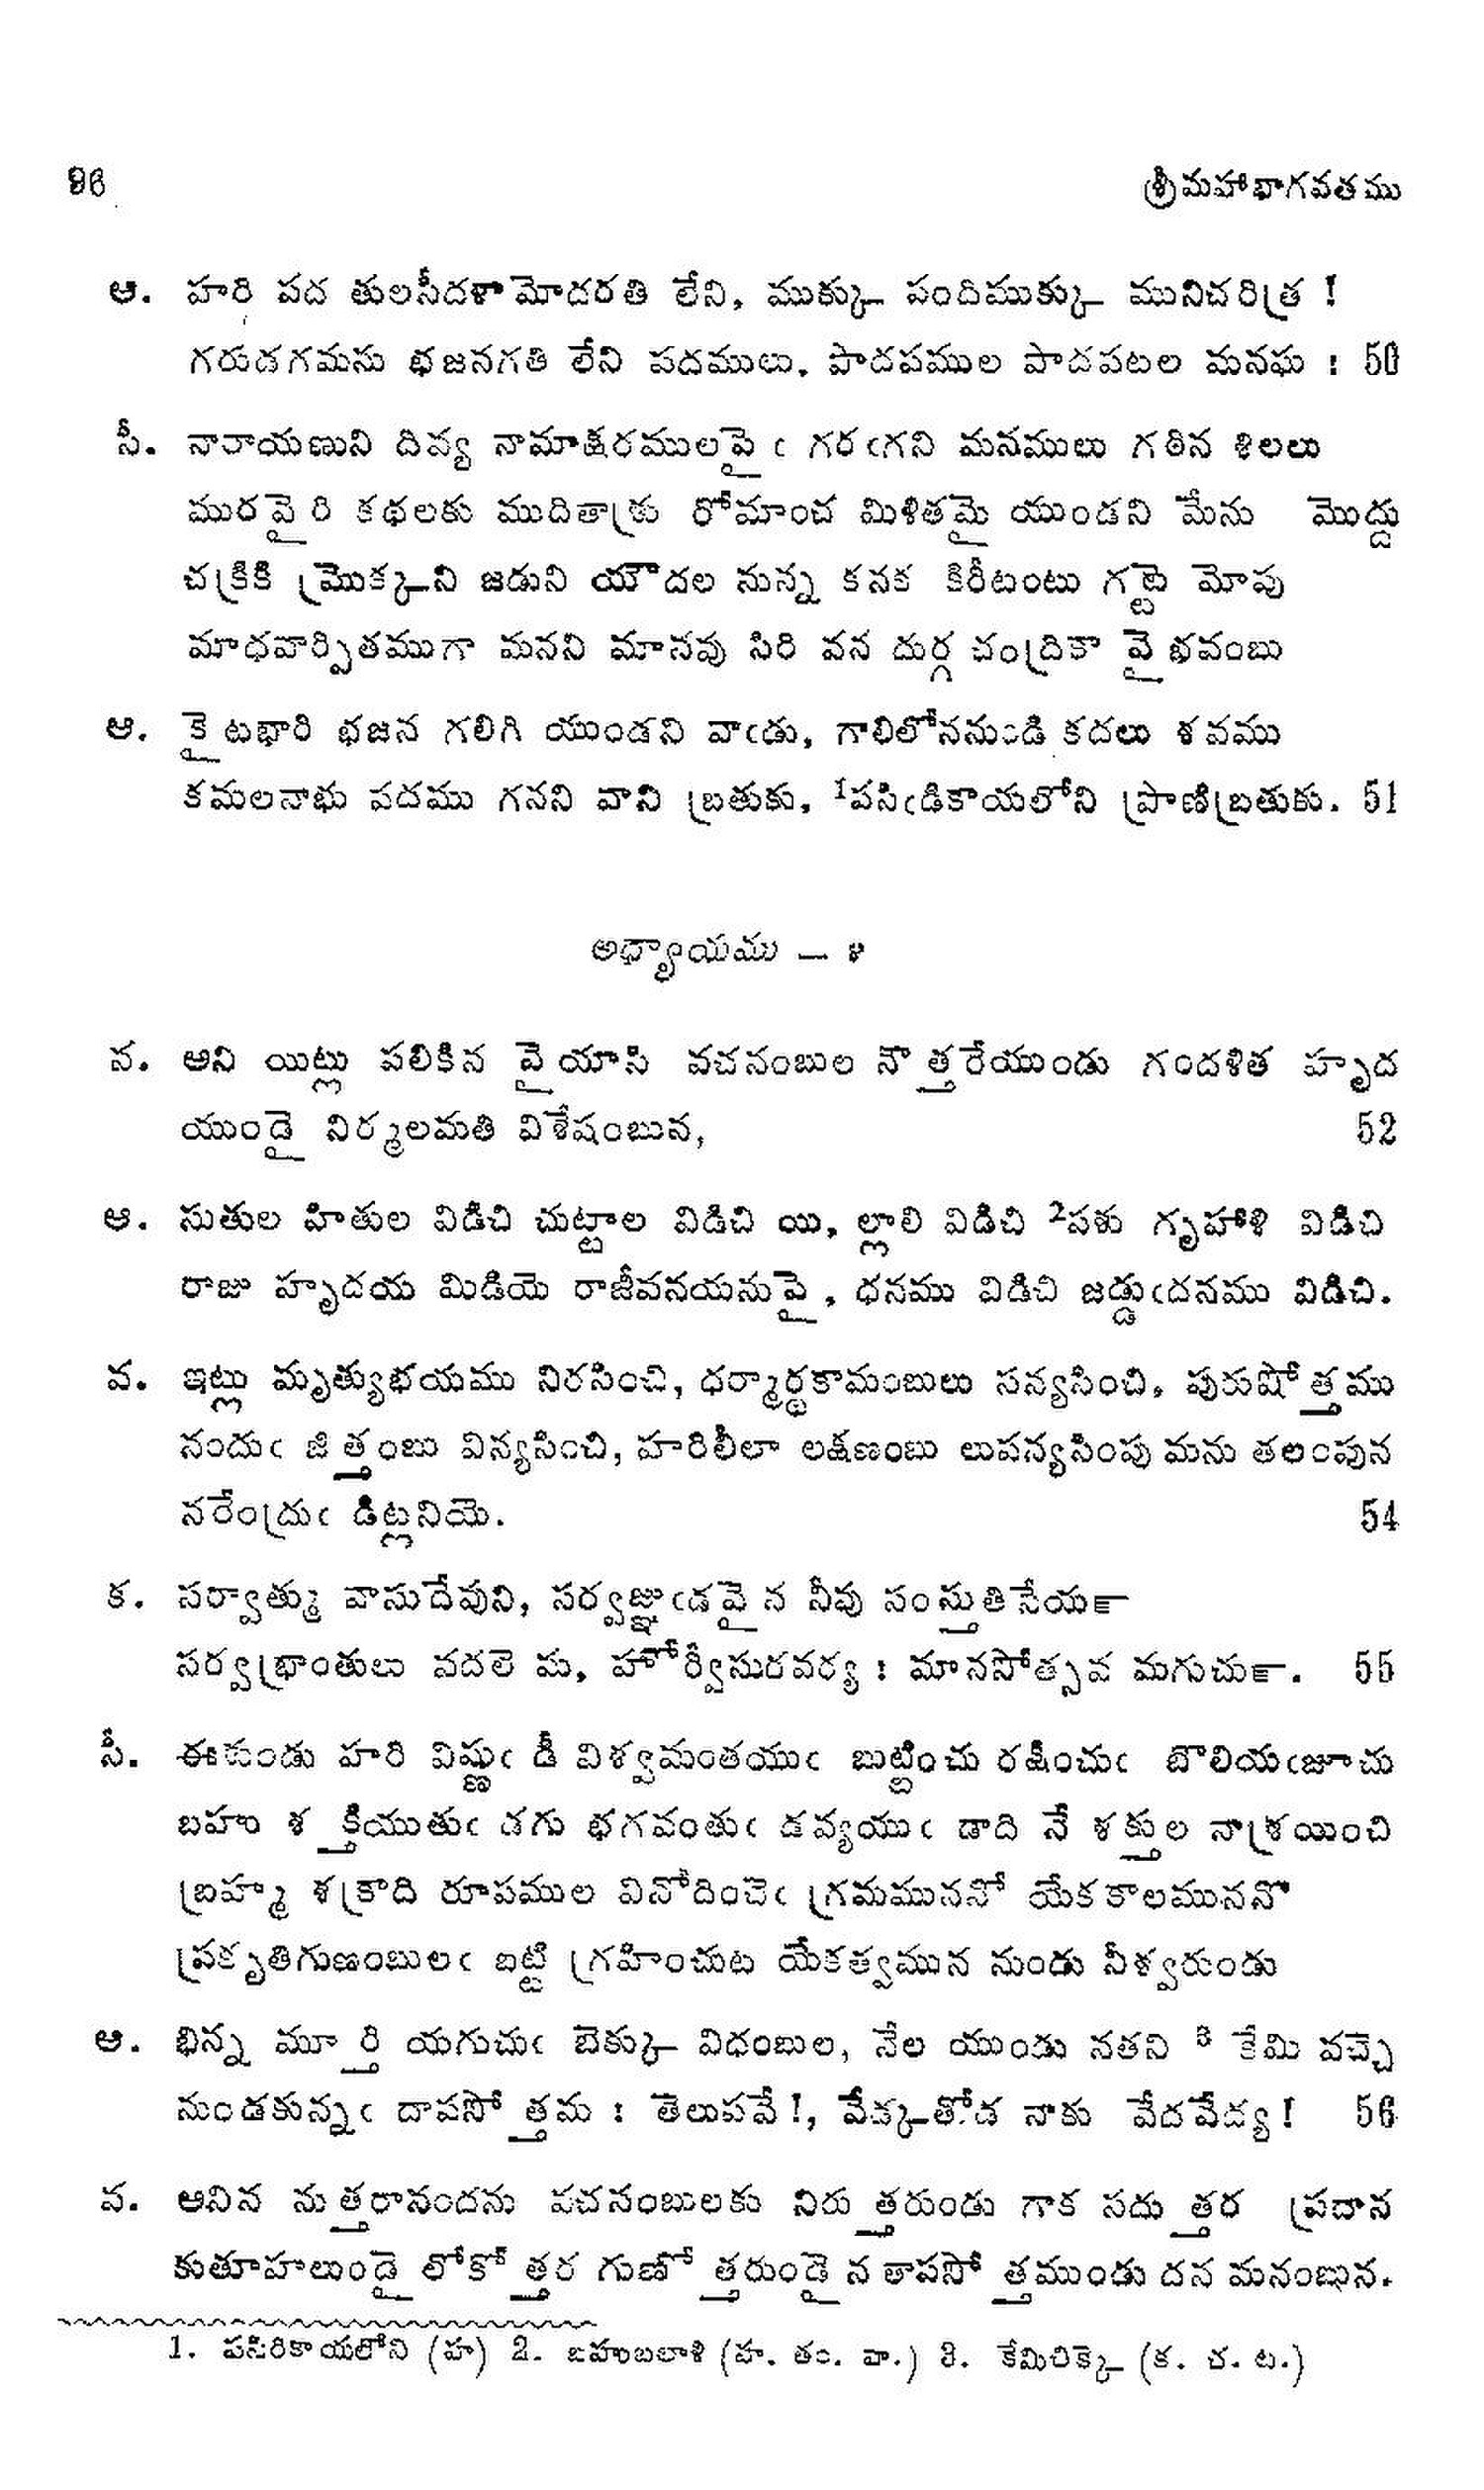96

ఆ. హరి పద తులసీదళ మోదరతి లేని, ముక్కు పందిముక్కు మునిచరిత్ర !

గరుడగమను భజనగతి లేని పదములు, పాదపముల పాదపటల మనఘ ! (50)

సీ. నారాయణుని దివ్య నామాక్షరములపైఁ గరఁగని మనములు గఠిన శిలలు

మురవైరి కథలకు ముదితాశ్రు రోమాంచ మిళితమై యుండని మేను మొద్దు

చక్రికి మ్రొక్కని జడుని యౌఁదల నున్న కనక కిరీటంబు కట్టె మోఁపు

మాధవార్పితముగా మనని సిరి వన దుర్గ చంద్రికావైభవంబు

ఆ. కైటభారి భజన గలిగి యుండని వాఁడు, గాలిలోననుండి కదలు శవము

కమలనాభు పదము గనని వాని బ్రతుకు, పసిఁడికాయలోని ప్రాణిబ్రతుకు. (51).

వ. అని యిట్లు పలికిన వైయాసి వచనంబుల నౌత్తరేయుండు గందళిత హృదయుండై నిర్మలమతి విశేషంబున, (52)

ఆ. సుతుల హితుల విడిచి చుట్టాల విడిచి యి, ల్లాలి విడిచి పశు గృహాళి విడిచి

రాజు హృదయ మిడియ రాజీవనయనుపై, ధనము విడిచి జడ్డుఁదనము విడిచి. (53)

వ. ఇట్లు మృత్యుభయము నిరిసించి, ధర్మార్థకామంబులు సన్యసించి, పురుషోత్తమునందుఁ జిత్తంబు వివ్యసించి, హరిలీలా లక్షణంబు లుపన్యసింపు మను తలంపున 

నరేంద్రుఁ డిట్లనియె.(54)

క. సర్వాత్ము వాసుదేవుని, సర్వజ్ఞుఁడవైన నీవు సంస్తుతిసేయన్

సర్వభ్రాంతులు వదలె మ, హోర్వీసురపర్య ! మానసోత్సవ మగుచున్.(55)

సీ. ఈశుండు హరి విష్ణుఁ డీ విశ్వమంతయుఁ బుట్టించు రక్షించు, బొలియఁజూచు

బహు శక్తియుతుఁ భగవంతుఁ డవ్యయు డాది నే శక్తుల నాశ్రయించి

బ్రహ్మ శక్రాది రూపముల వినోదించెఁ గ్రమముననో యే కాలముననొ

ప్రకృతిగుణంబులఁ బత్తి గ్రహించుత యేకత్వమున నుండు నీశ్వరుండు. 

ఆ. భిన్న మూర్తి యగుచుఁ బెక్కువిధంబుల, నేల యుండు నతని కేమి వచ్చె

నుండకున్నఁ దాపసోత్తమ ! తెలుపవే ! వేడ్కతోడ నాకు వేదవేద్య ! (56)

వ. అనిన నుత్తరానందను వచంబులకు నిరుత్తరుండు గాక సదుత్తర ప్రదాన కుతూహలుండై లోకోత్తర గుణోత్తరుండైన తాపపోత్తముండు దన మనంబున. (57)